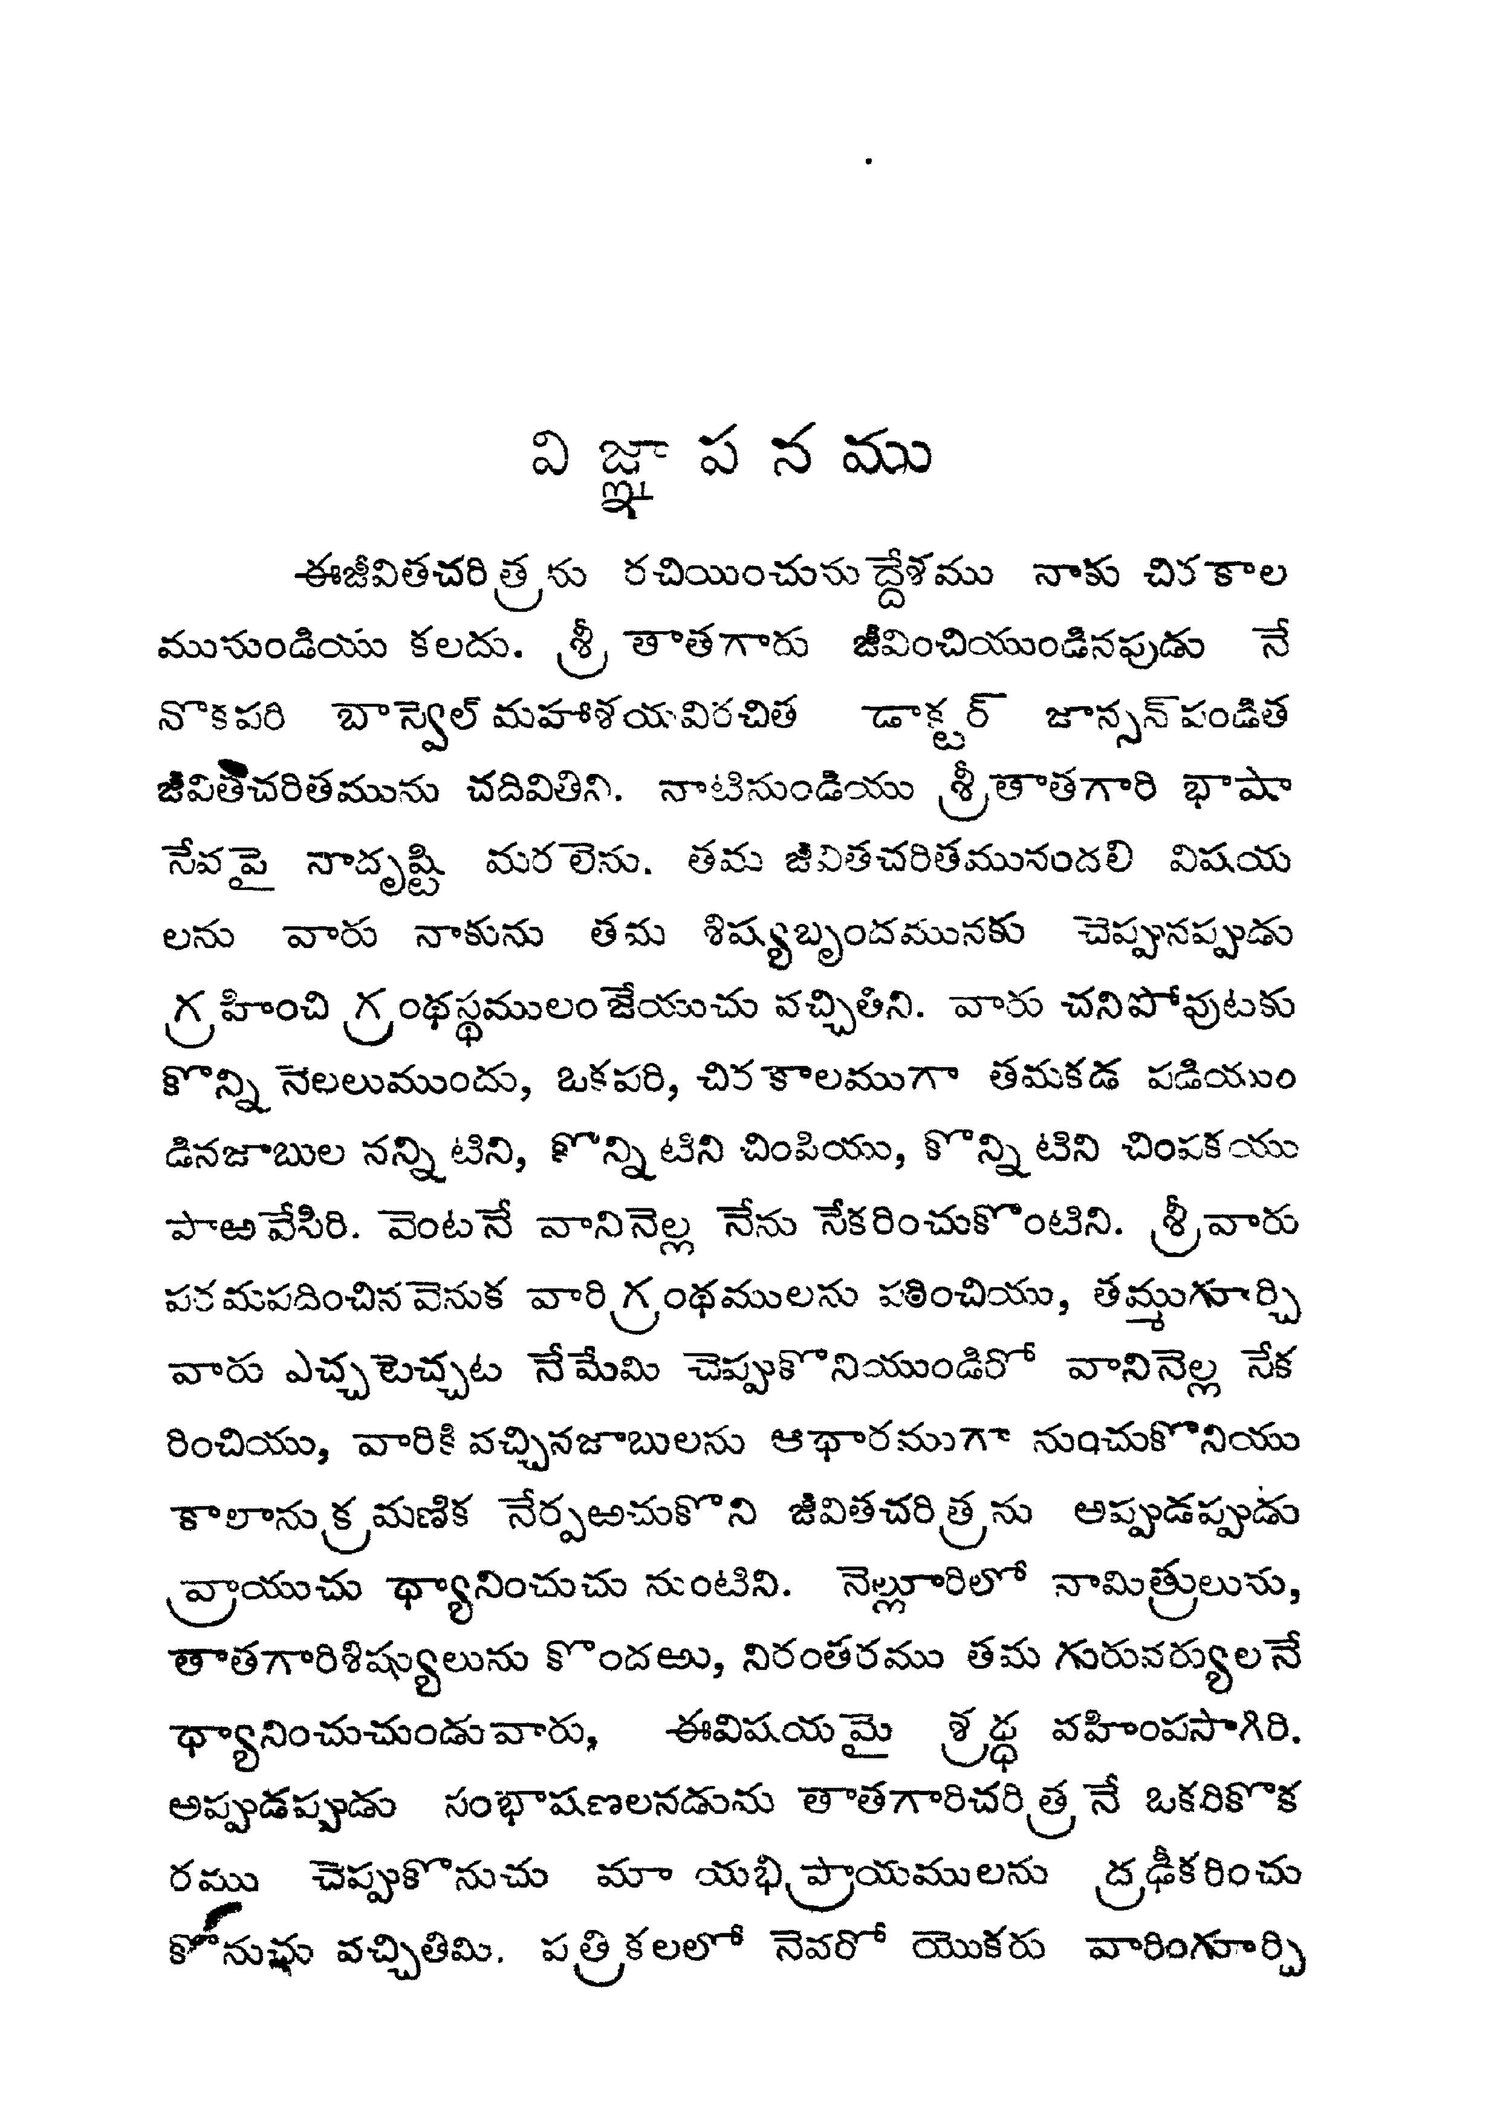ఈజీవితచరిత్రను రచియించునుద్దేశము నాకు చిరకాలమునుండియు కలదు. శ్రీ తాతగారు జీవించియుండినపుడు నేనొకపరి బాస్వెల్ మహాశయవిరచిత డాక్టర్ జాన్సన్‌పండిత జీవితచరితమును చదివితిని. నాటినుండియు శ్రీతాతగారి భాషాసేవపై నాదృష్టి మరలెను. తమ జీవితచరితమునందలి విషయలను వారు నాకును తమ శిష్యబృందమునకు చెప్పునప్పుడు గ్రహించి గ్రంథస్థములంజేయుచు వచ్చితిని. వారు చనిపోవుటకు కొన్ని నెలలుముందు, ఒకపరి, చిరకాలముగా తమకడ పడియుండినజాబుల నన్నిటిని, కొన్నిటిని చింపియు, కొన్నిటిని చింపకయు పాఱవేసిరి. వెంటనే వానివల్ల నేను సేకరించుకొంటిని. శ్రీవారు పరమపదించినవెనుక వారి గ్రంథములను పఠించియు, తమ్ముగూర్చి వారు ఎచ్చటెచ్చట నేమేమి చెప్పుకొనియుండిరో వానినెల్ల సేకరించియు, వారికి వచ్చినజాబులను ఆధారముగా నుంచుకొనియు కాలానుక్రమణిక నేర్పఱచుకొని జీవితచరిత్రను అప్పుడప్పుడు వ్రాయుచు థ్యానించుచు నుంటిని. నెల్లూరిలో నామిత్రులును, తాతగారిశిష్యులును కొందఱు, నిరంతరము తమ గురువర్యులనే థ్యానించుచుండువారు, ఈవిషయమై శ్రద్ధ వహింపసాగిరి. అప్పుడప్పుడు సంభాషణలనడును తాతగారిచరిత్రనే ఒకరికొకరము చెప్పుకొనుచు మా యభిప్రాయములను దృడీకరించుకొనుచు వచ్చితిమి. పత్రికలలో నెవరో యొకరు వారింగూర్చి